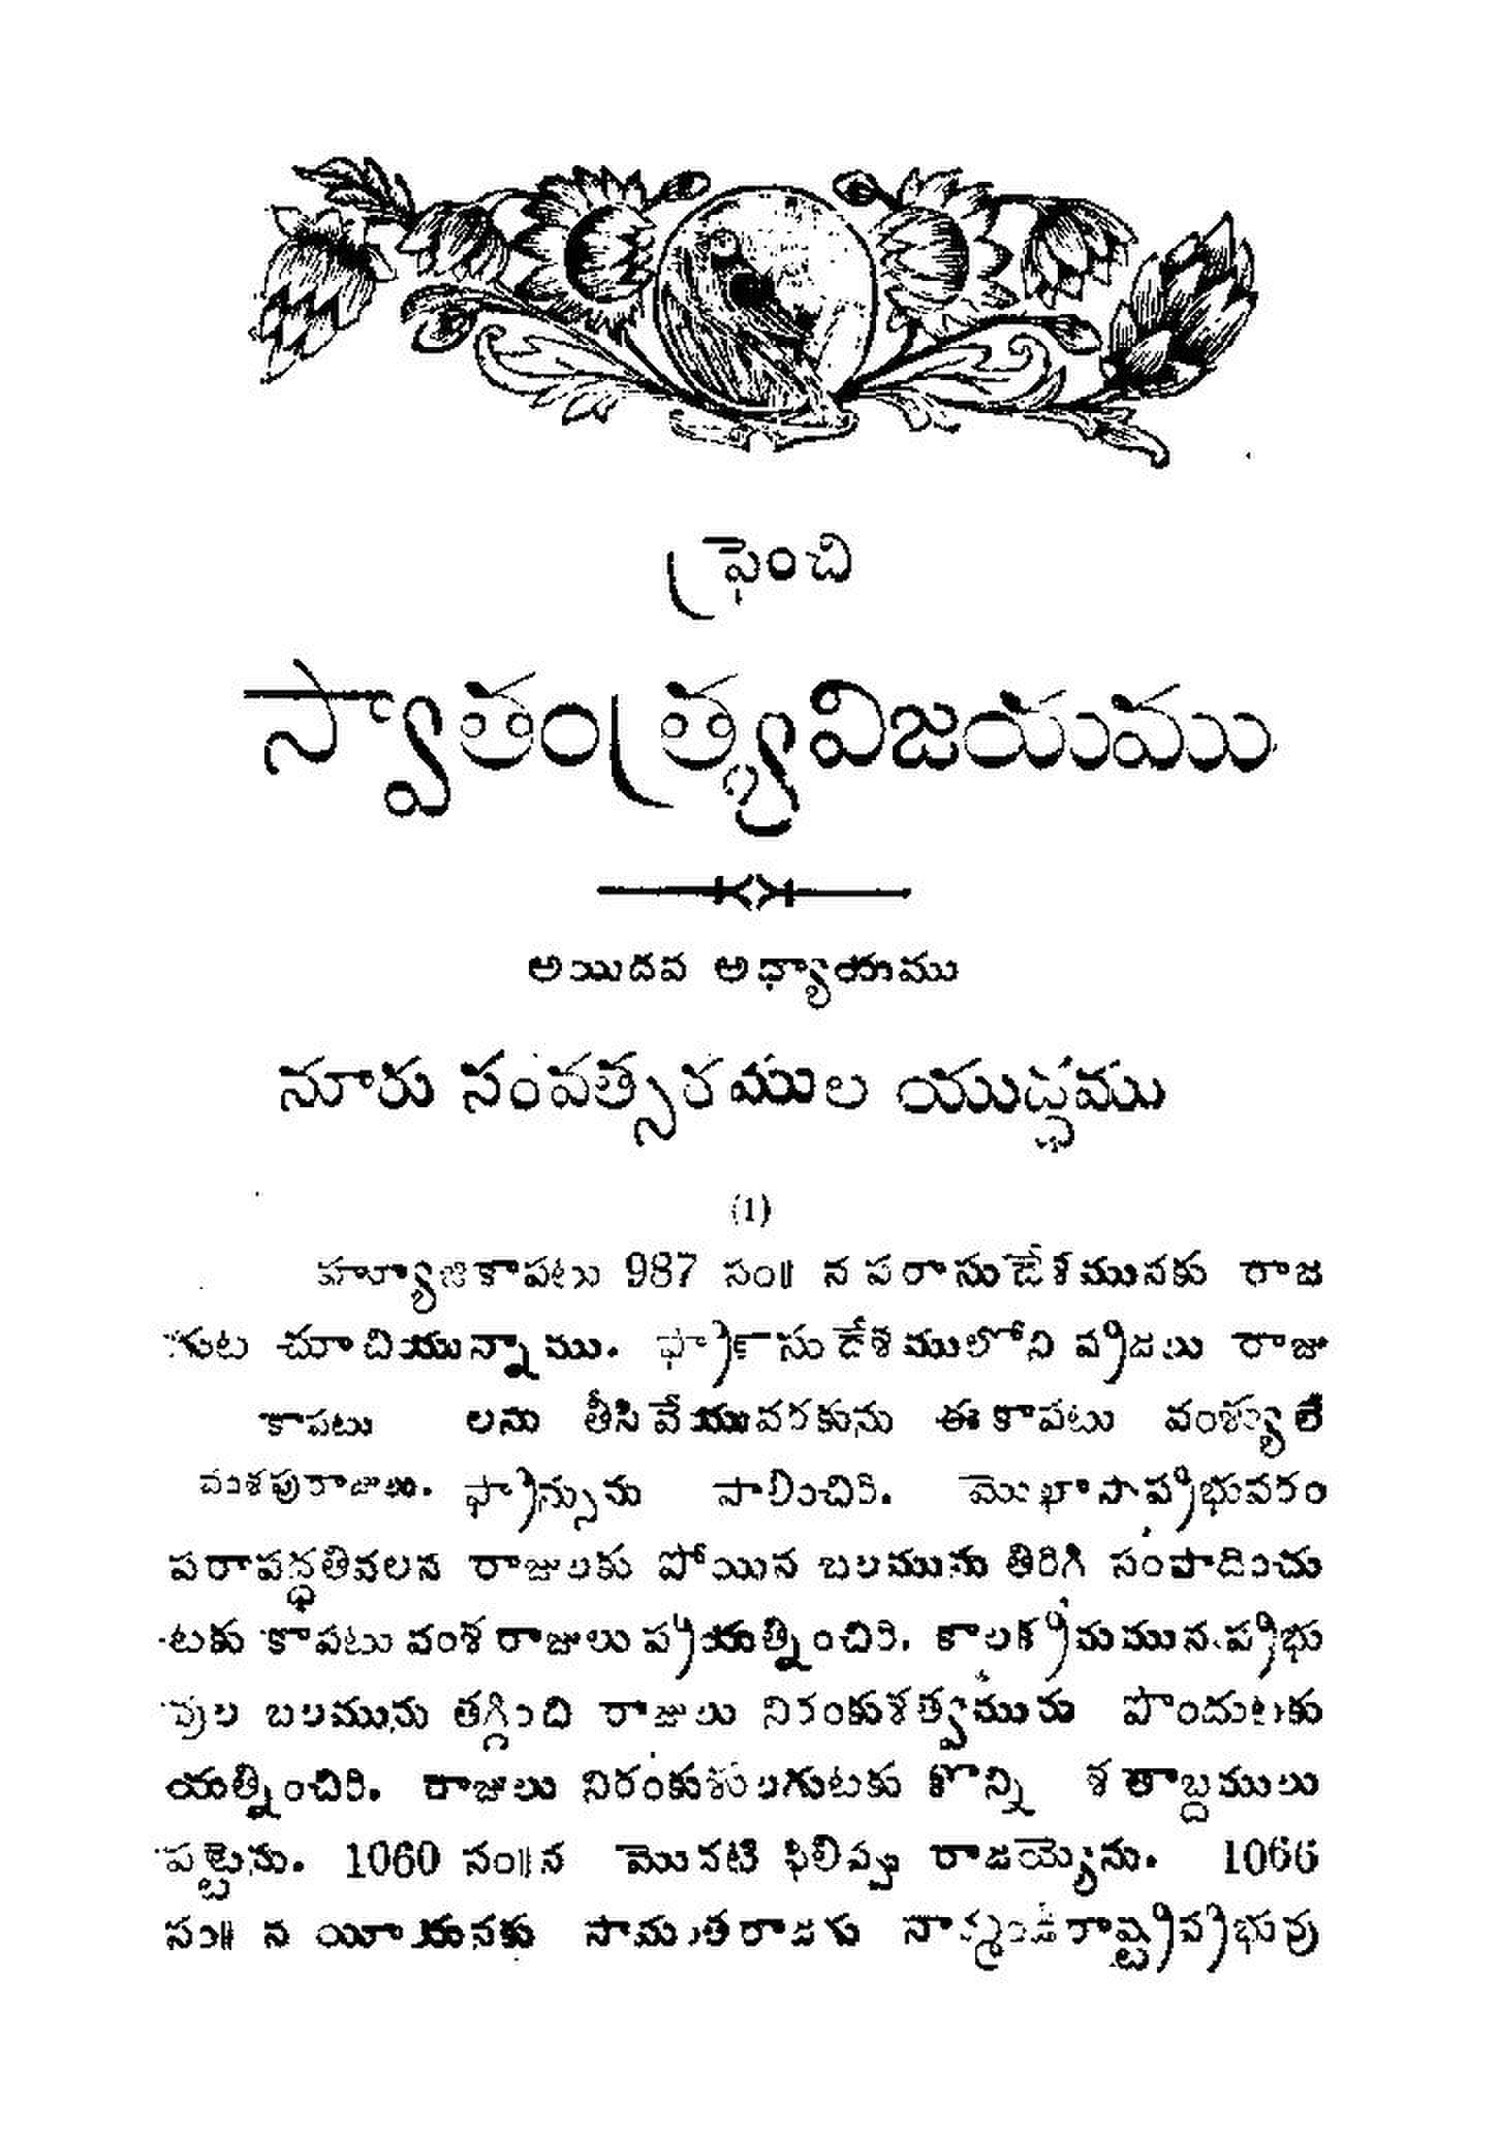కాపటు
వంశపు రాజులు
హ్యూళి కాపటు 987 సం|| న పరాసుదేశమునకు రాజ
గుట చూచి యున్నాము. ఫ్రాన్ సు దేశములోని ప్రజలు రాజు
లను తీసి వేయువరకును ఈ కాపటు వంశ్యులే
ఫ్రాన్సును పాలించిరి. మొఖా సాప్రభువరం
పరాపద్ధతివలస రాజులకు పోయిన బలమును తిరిగి సంపాదించు
టకు కోపటు వంశ రాజులు ప్రయత్నించిరి, కాలగమమున ప్రభు
పుల బలమును తగ్గింది రాజులు నిరంకుశత్వమును పొందుటకు
యత్నించిరి. రాజులు నిరంకుశులగుటకు కొన్ని శతాబ్దములు
పట్టెను. 1060 సం|న మొనటి ఫిలిప్పు రాజయ్యెను. 1066
సు. న యామునకు సామంత రాజకు నార్మండ్ రాష్ట్రప్రభువు